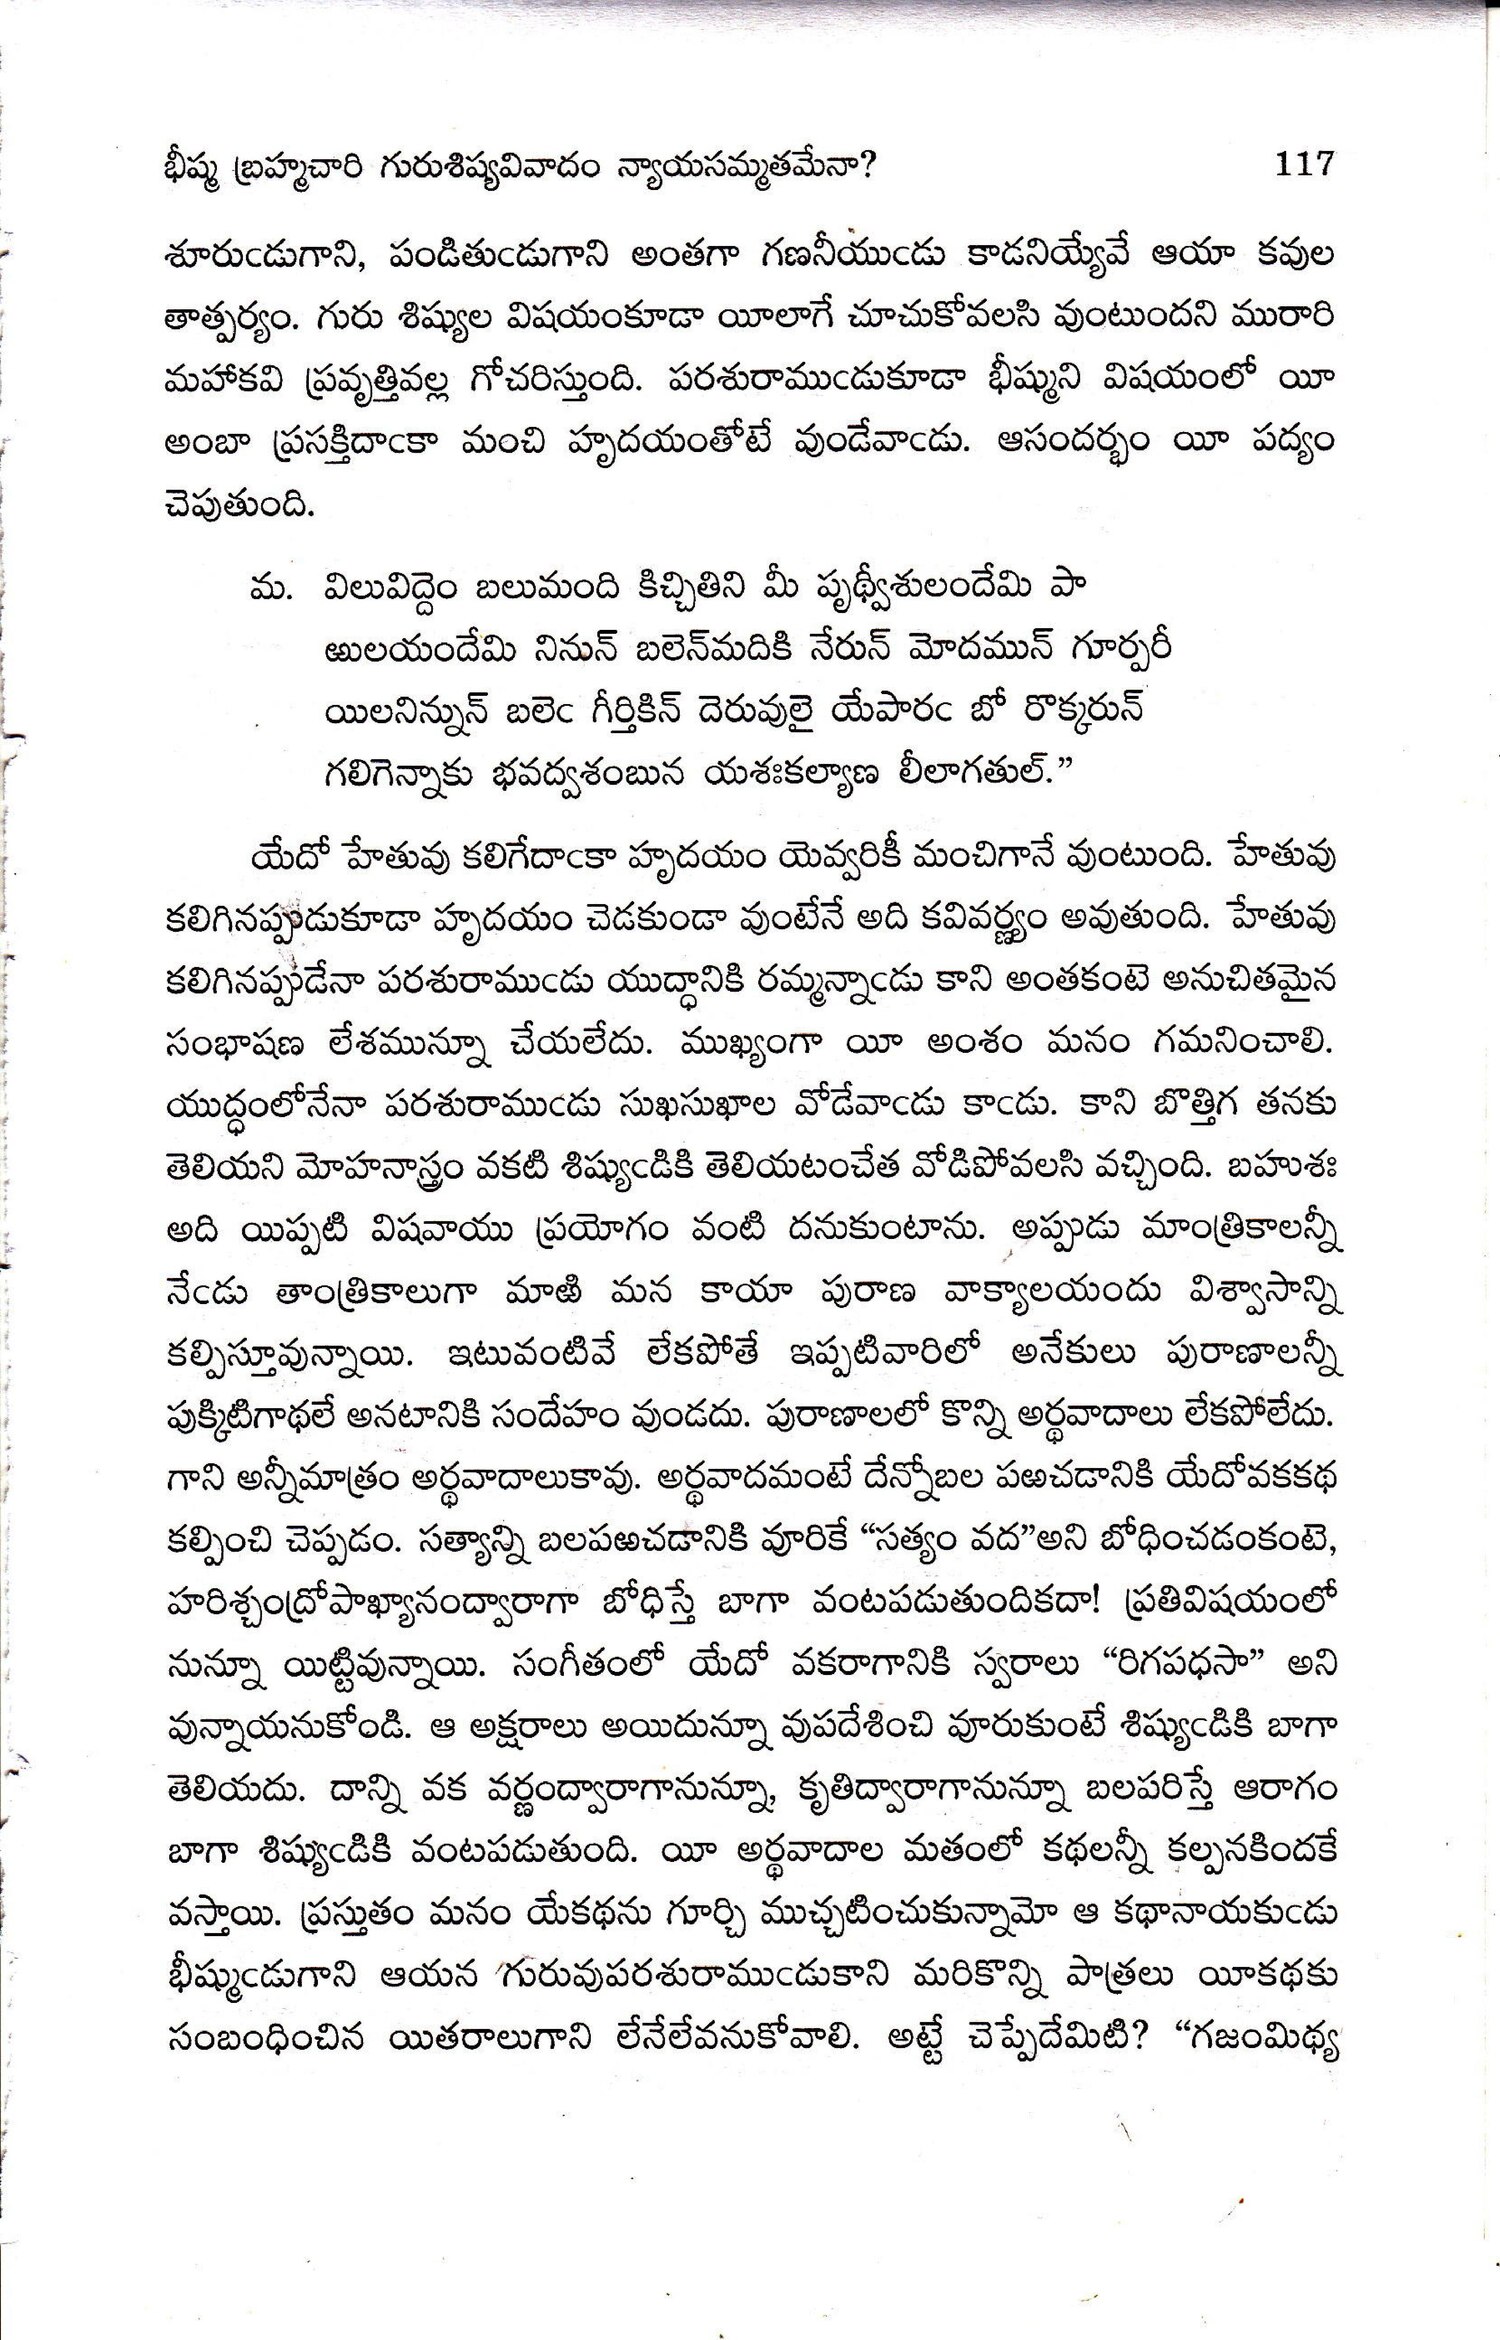శూరుండుగాని, పండితుండుగాని అంతగా గణనీయుండు కాడనియ్యేవే ఆయా కవుల తాత్పర్యం. గురు శిష్యుల విషయంకూడా యీలాగే చూచుకోవలసి వుంటుందని మురారి మహాకవి ప్రవృత్తివల్ల గోచరిస్తుంది. పరశురాముండుకూడా భీష్ముని విషయంలో యీ అంబా ప్రసక్తిదాంకా మంచి హృదయంతోటే వుండేవాండు. ఆసందర్భం యీ పద్యం చెపుతుంది.
మ. విలువిద్దెం బలుమంది కిచ్చితిని మీ పృథ్వీశులందేమి పా
అులయందేమి నినున్ బలెన్మదికి నేరున్ మోదమున్ గూర్చరీ 
యిలనిన్నున్ బలెం గీర్తికిన్ దెరువులై యేపారం బో రొక్కరున్ 
గలిగెన్నాకు భవద్వశంబున యశఃకల్యాణ లీలాగతుల్."
యేదో హేతువు కలిగేదాంకా హృదయం యెవ్వరికీ మంచిగానే వుంటుంది. హేతువు కలిగినప్పడుకూడా హృదయం చెడకుండా వుంటేనే అది కవివర్ణ్యం అవుతుంది. హేతువు కలిగినపుడేనా పరశురాముఁడు యుద్ధానికి రమ్మన్నాండు కాని అంతకంటె అనుచితమైన సంభాషణ లేశమున్నూ చేయలేదు. ముఖ్యంగా యీ అంశం మనం గమనించాలి. యుద్ధంలోనేనా పరశురాముఁడు సుఖసుఖాల వోడేవాఁడు కాండు. కాని బొత్తిగ తనకు తెలియని మోహనాస్త్రం వకటి శిష్యుండికి తెలియటంచేత వోడిపోవలసి వచ్చింది. బహుశః అది యిప్పటి విషవాయు ప్రయోగం వంటి దనుకుంటాను. అప్పుడు మాంత్రికాలన్నీ నేcడు తాంత్రికాలుగా మాటి మన కాయా పురాణ వాక్యాలయందు విశ్వాసాన్ని కల్పిస్తూవున్నాయి. ఇటువంటివే లేకపోతే ఇప్పటివారిలో అనేకులు పురాణాలన్నీ పుక్కిటిగాథలే అనటానికి సందేహం వుండదు. పురాణాలలో కొన్ని అర్థవాదాలు లేకపోలేదు. గాని అన్నీమాత్రం అర్థవాదాలుకావు. అర్థవాదమంటే దేన్నోబల పఱచడానికి యేదోవకకథ కల్పించి చెప్పడం. సత్యాన్ని బలపఱచడానికి వూరికే “సత్యం వద"అని బోధించడంకంటె, హరిశ్చంద్రోపాఖ్యానంద్వారాగా బోధిస్తే బాగా వంటపడుతుందికదా! ప్రతివిషయంలో నున్నూ యిట్టివున్నాయి. సంగీతంలో యేదో వకరాగానికి స్వరాలు “రిగపధసా” అని వున్నాయనుకోండి. ఆ అక్షరాలు అయిదున్నూ వుపదేశించి వూరుకుంటే శిష్యుండికి బాగా తెలియదు. దాన్ని వక వర్ణంద్వారాగానున్నూ, కృతిద్వారాగానున్నూ బలపరిస్తే ఆరాగం బాగా శిష్యుండికి వంటపడుతుంది. యీ అర్థవాదాల మతంలో కథలన్నీ కల్పనకిందకే వస్తాయి. ప్రస్తుతం మనం యేకథను గూర్చి ముచ్చటించుకున్నామో ఆ కథానాయకుండు భీష్ముండుగాని ఆయన గురువుపరశురాముండుకాని మరికొన్ని పాత్రలు యీకథకు సంబంధించిన యితరాలుగాని లేనేలేవనుకోవాలి. అట్టే చెప్పేదేమిటి? “గజంమిథ్య